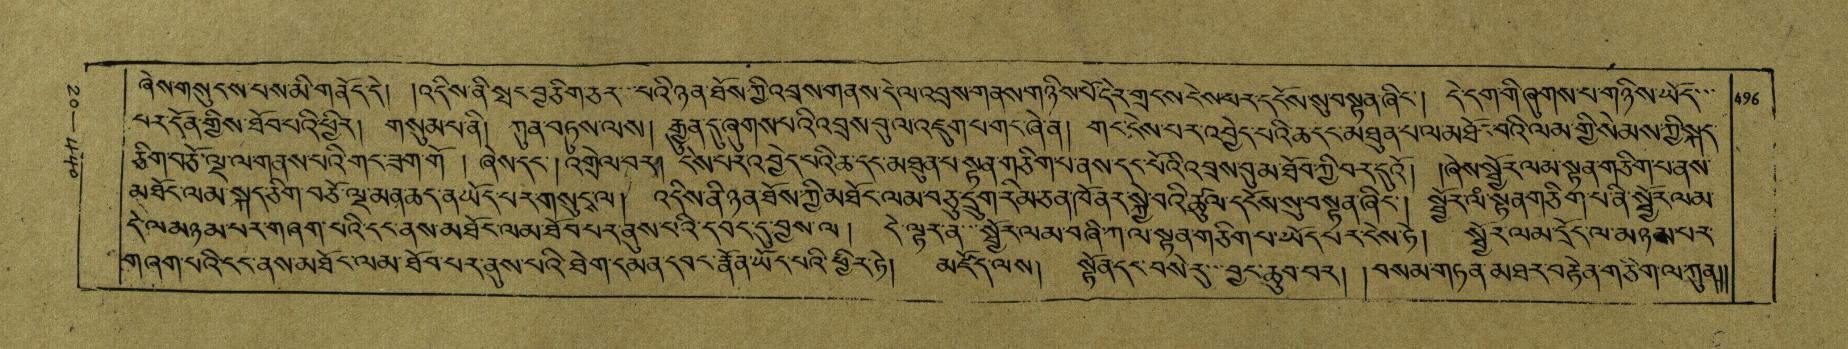ཞེས་གསུངས་པས་མི་གནོད་དེ། །འདིས་ནི་སྤང་བྱ་ཅིག་ཅར་པའི་ཉན་ཐོས་ཀྱི་འབྲས་གནས་དེ་ལ་འབྲས་གནས་གཉིས་པོ་དེར་གྲངས་ངེས་པར་དངོས་སུ་བསྟན་ཞིང་། དེ་དག་གི་ཞུགས་པ་གཉིས་ཡོད་
པར་དོན་གྱིས་ཐོབ་པའི་ཕྱིར། གསུམ་པ་ནི། ཀུན་བཏུས་ལས། རྒྱུན་དུ་ཞུགས་པའི་འབྲས་བུ་ལ་འཇུག་པ་གང་ཞེ་ན། གང་ངེས་པར་འབྱེད་པའི་ཆ་དང་མཐུན་པ་ལ་མཐོང་བའི་ལམ་གྱི་སེམས་ཀྱི་སྐད་
ཅིག་བཅོ་ལྔ་ལ་གནས་པའི་གང་ཟག་གོ །ཞེས་དང་། འགྲེལ་བར། ངེས་པར་འབྱེད་པའི་ཆ་དང་མཐུན་པ་སྟན་གཅིག་པ་ནས་དང་པོའི་འབྲས་བུ་མ་ཐོབ་ཀྱི་བར་དུའོ། །ཞེས་སྦྱོར་ལམ་སྟན་གཅིག་པ་ནས་
མཐོང་ལམ་སྐད་ཅིག་བཅོ་ལྔ་མན་ཆད་ན་ཡོད་པར་གསུངས་ལ། འདིས་ནི་ཉན་ཐོས་ཀྱི་མཐོང་ལམ་བཅུ་དྲུག་རིམ་ཅན་ཁོ་ནར་སྐྱེ་བའི་ཚུལ་དངོས་སུ་བསྟན་ཞིང་། སྦྱོར་ལཾ་སྟན་གཅིག་པ་ནི་སྦྱོར་ལམ་
དེ་ལ་མཉམ་པར་གཞག་པའི་ངང་ནས་མཐོང་ལམ་ཐོབ་པར་ནུས་པའི་དབང་དུ་བྱས་ལ། དེ་ལྟར་ན་སྦྱོར་ལམ་བཞི་ཀ་ལ་སྟན་གཅིག་པ་ཡོད་པར་ངེས་ཏེ། སྦྱོར་ལམ་དྲོད་ལ་མཉམ་པར་
གཞག་པའི་ངང་ནས་མཐོང་ལམ་ཐོབ་པར་ནུས་པའི་ཐེག་དམན་དབང་རྣོན་ཡོད་པའི་ཕྱིར་ཏེ། མཛོད་ལས། སྟོན་དང་བསེ་རུ་བྱང་ཆུབ་བར། །བསམ་གཏན་མཐར་བརྟེན་གཅིག་ལ་ཀུན།།